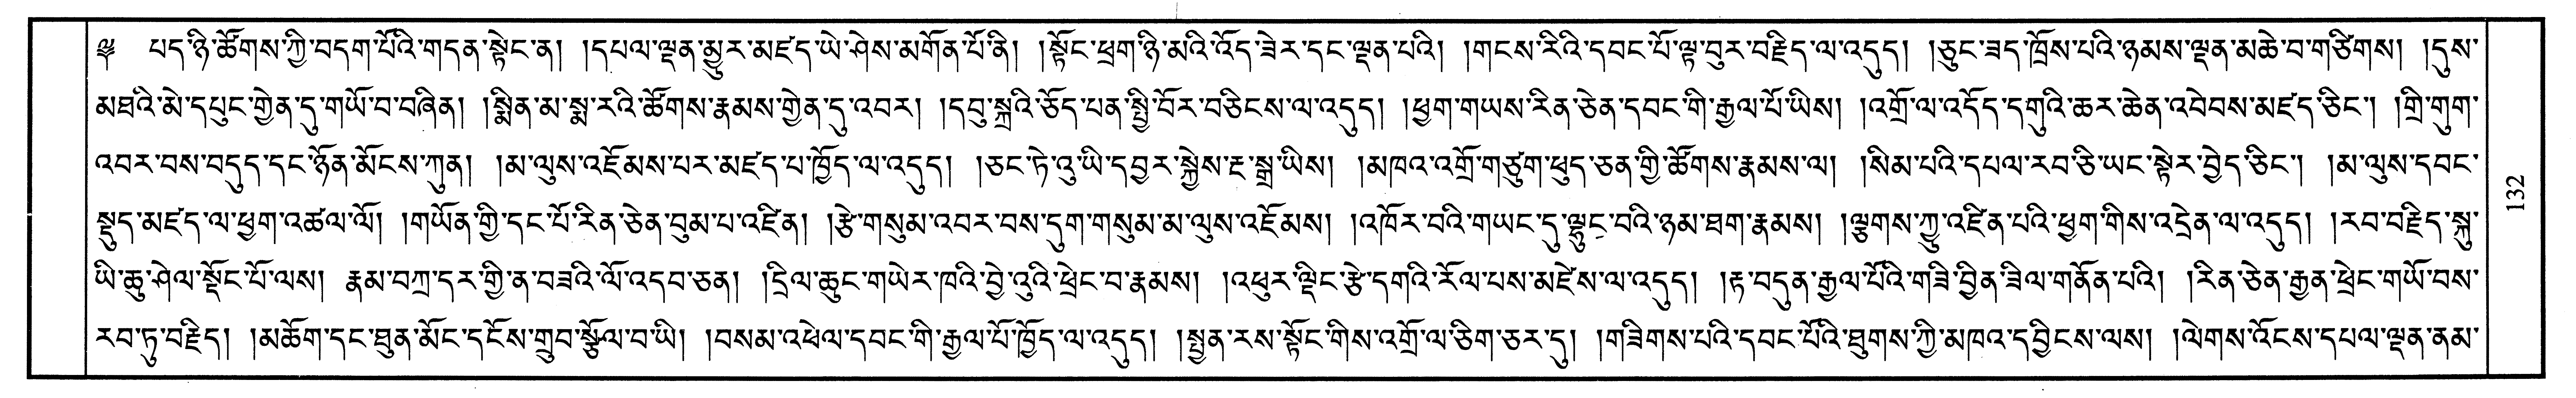༈ པད་ཉི་ཚོགས་ཀྱི་བདག་པོའི་གདན་སྟེང་ན། །དཔལ་ལྡན་མྱུར་མཛད་ཡེ་ཤེས་མགོན་པོ་ནི། །སྟོང་ཕྲག་ཉི་མའི་འོད་ཟེར་དང་ལྡན་པའི། །གངས་རིའི་དབང་པོ་ལྟ་བུར་བརྗིད་ལ་འདུད། །ཅུང་ཟད་ཁྲོས་པའི་ཉམས་ལྡན་མཆེ་བ་གཙིགས། །དུས་
མཐའི་མེ་དཔུང་གྱེན་དུ་གཡོ་བ་བཞིན། །སྨིན་མ་སྨ་རའི་ཚོགས་རྣམས་གྱེན་དུ་འབར། །དབུ་སྐྲའི་ཆོད་པན་སྤྱི་བོར་བཅིངས་ལ་འདུད། །ཕྱག་གཡས་རིན་ཅེན་དབང་གི་རྒྱལ་པོ་ཡིས། །འགྲོ་ལ་འདོད་དགུའི་ཆར་ཆེན་འབེབས་མཛད་ཅིང་། །གྲི་གུག་
འབར་བས་བདུད་དང་ཉོན་མོངས་ཀུན། །མ་ལུས་འཇོམས་པར་མཛད་པ་ཁྱོད་ལ་འདུད། །ཅང་ཏེ་འུ་ཡི་དབྱར་སྐྱེས་རྔ་སྒྲ་ཡིས། །མཁའ་འགྲོ་གཙུག་ཕུད་ཅན་གྱི་ཚོགས་རྣམས་ལ། །སིམ་པའི་དཔལ་རབ་ཅི་ཡང་སྟེར་བྱེད་ཅིང་། །མ་ལུས་དབང་
སྡུད་མཛད་ལ་ཕྱག་འཚལ་ལོ། །གཡོན་གྱི་དང་པོ་རིན་ཅེན་བུམ་པ་འཛིན། །རྩེ་གསུམ་འབར་བས་དུག་གསུམ་མ་ལུས་འཇོམས། །འཁོར་བའི་གཡང་དུ་ལྷུང་བའི་ཉམ་ཐག་རྣམས། །ལྕགས་ཀྱུ་འཛིན་པའི་ཕྱག་གིས་འདྲེན་ལ་འདུད། །རབ་བརྗིད་སྐུ་
ཡི་ཆུ་ཤེལ་སྡོང་པོ་ལས། རྣམ་བཀྲ་དར་གྱི་ན་བཟའི་ལོ་འདབ་ཅན། །དྲིལ་ཆུང་གཡེར་ཁའི་བྱེ་འུའི་ཕྲེང་བ་རྣམས། །འཕུར་ལྡིང་རྩེ་དགའི་རོལ་པས་མཛེས་ལ་འདུད། །རྟ་བདུན་རྒྱལ་པོའི་གཟི་བྱིན་ཟིལ་གནོན་པའི། །རིན་ཅེན་རྒྱན་ཕྲེང་གཡོ་བས་
རབ་ཏུ་བརྗིད། །མཆོག་དང་ཐུན་མོང་དངོས་གྲུབ་སྩོལ་བ་ཡི། །བསམ་འཕེལ་དབང་གི་རྒྱལ་པོ་ཁྱོད་ལ་འདུད། །སྤྱན་རས་སྟོང་གིས་འགྲོ་ལ་ཅིག་ཅར་དུ། །གཟིགས་པའི་དབང་པོའི་ཐུགས་ཀྱི་མཁའ་དབྱིངས་ལས། །ལེགས་འོངས་དཔལ་ལྡན་ནམ་